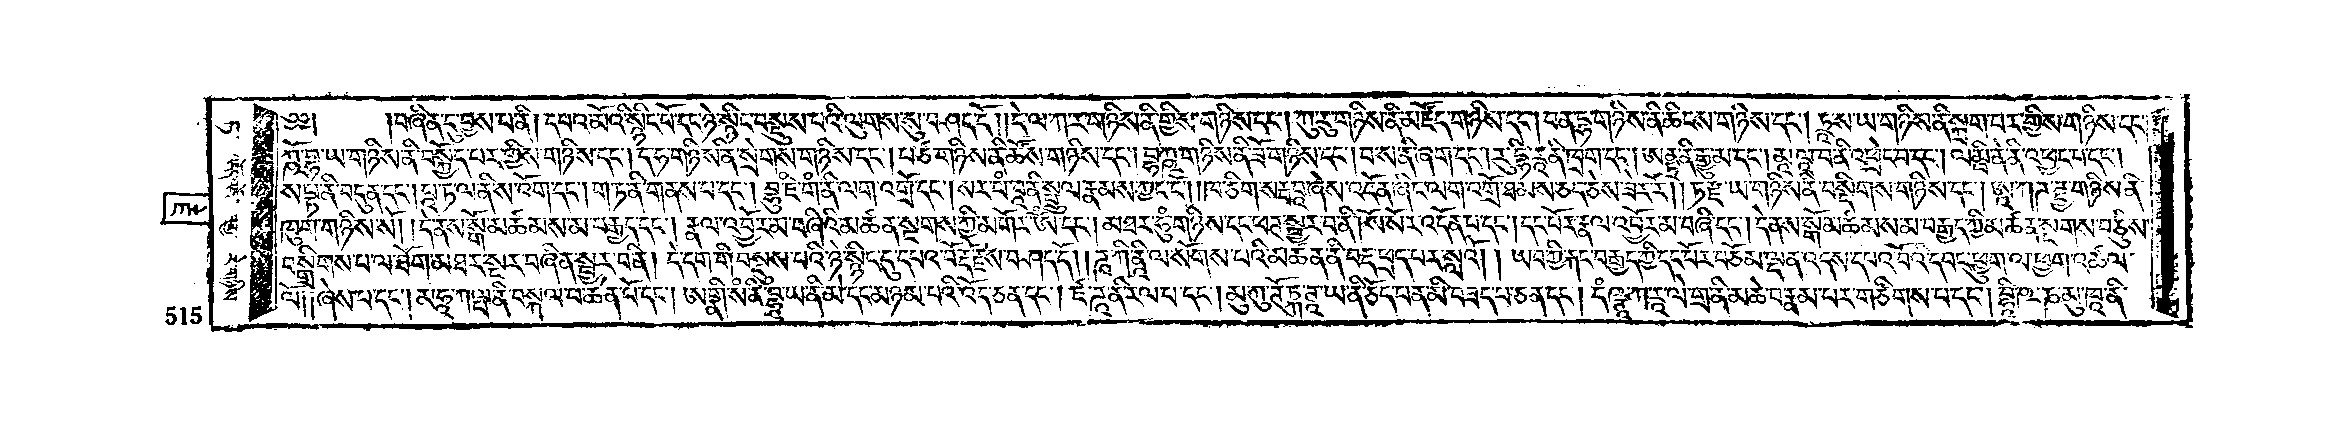༄༅། །བཞིན་དུ་བྱས་པ་ནི། དཔའ་མོའི་སྙིང་པོ་དང་ཉེ་སྙིང་བསྡུས་པའི་ལུགས་སུ་བཤད་དོ། །དེ་ལ་ཀ་ར་གཉིས་ནི་གྱིས་གཉིས་དང་། ཀུ་ར་གཉིས་ནི་མཛོད་གཉིས་དང་། བན་དྷ་གཉིས་ནི་ཆིངས་གཉིས་དང་། ཏྲཱ་ས་ཡ་གཉིས་ནི་སྐྲག་པར་གྱིས་གཉིས་དང་
ཀྵོ་བྷ་ཡ་གཉིས་ནི་བསྐྱོད་པར་གྱིས་གཉིས་དང་། ད་ཧ་གཉིས་ནི་སྲེགས་གཉིས་དང་། པ་ཙ་གཉིས་ནི་ཚོས་གཉིས་དང་། བྷཀྵ་གཉིས་ནི་ཟོ་གཉིས་དང་། བ་ས་ནི་ཞག་དང་། རུ་དྷི་རཱ་ནི་ཁྲག་དང་། ཨནྟྲ་ནི་རྒྱུ་མ་དང་། མཱ་ལཱ་བ་ནི་འཕྲེང་བ་དང་། ལམྦི་ནེ་ནི་འཕྱང་བ་དང་།
སཔྟ་ནི་བདུན་དང་། པཱ་ཏ་ལ་ནི་ས་འོག་དང་། ག་ཏ་ནི་གནས་པ་དང་། བྷུ་ཛཾ་གཾ་ནི་ལག་འགྲོ་དང་། སར་པཾ་བཱ་ནི་སྤྲུལ་རྣམས་ཀྱང་ངོ། །ཁ་ཅིག་སརྦ་བཱ་ཞེས་འདོན་ཞིང་ལག་འགྲོ་ཐམས་ཅད་ཅེས་ཟེར་རོ། །ཏརྫ་ཡ་གཉིས་ནི་བསྡིགས་གཉིས་དང་། ཨཱ་ཀཌ་ཌྡྱ་གཉིས་ནི་
ཁུག་གཉིས་སོ། །དེ་ནས་སྒོ་མཚམས་མ་བརྒྱད་དང་། རྣལ་འབྱོར་མ་བཞིའི་མཚན་སྔགས་ཀྱི་མགོར་ཨོཾ་དང་། མཐར་ཧུཾ་གཉིས་དང་ཕཊ་སྦྱར་བ་ནི། སོ་སོར་འདོན་པ་དང་། དང་པོར་རྣལ་འབྱོར་མ་བཞི་དང་། དེ་ནས་སྒོ་མཚམས་མ་བརྒྱད་ཀྱི་མཚན་སྔགས་བཅུ་གཉིས་
བསྒྲིགས་པ་ལ་ཐོག་མཐར་སྔར་བཞིན་སྦྱར་བ་ནི། དེ་དག་གི་བསྡུས་པའི་ཉེ་སྙིང་དུ་དཔའ་བོ་རྡོ་རྗེས་བཤད་དོ། །ཌཱ་ཀི་ནཱི་ལ་སོགས་པའི་མཚན་ནི་བརྡ་ཕྲད་པར་སླའོ། །ཡབ་ཀྱི་རྐང་བརྒྱད་ཀྱི་དང་པོར་བཅོམ་ལྡན་འདས་དཔའ་བོའི་དབང་ཕྱུག་ལ་ཕྱག་འཚལ་
ལོ། །ཞེས་པ་དང་། མཧཱ་ཀལྤ་ནི་བསྐལ་པ་ཆེན་པོ་དང་། ཨགནི་སཾ་ནི་བྷཱ་ཡ་ནི་མེ་དང་མཉམ་པའི་འོད་ཅན་དང་། ཛ་ཌཱ་ནི་རལ་པ་དང་། མུ་ཀུ་ཊོ་ཏྐ་ཊཱ་ཡ་ནི་ཅོད་པན་མི་བཟད་པ་ཅན་དང་། དཾཥྚཱ་ཀ་རཱ་ལེ་གྲ་ནི་མཆེ་བ་རྣམ་པར་གཙིགས་པ་དང་། བྷཱི་ཥ་ཎ་མུ་ཁཱ་ནི་